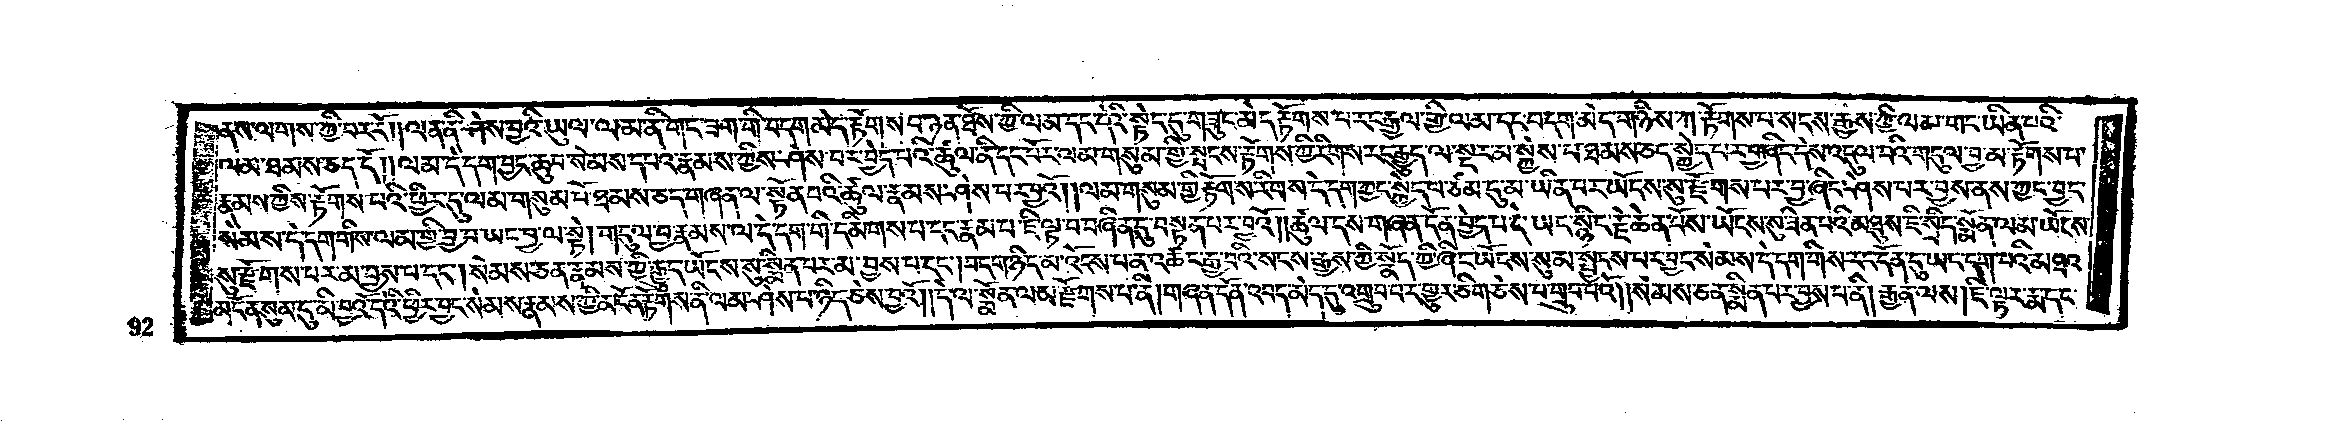ནས་ལགས་ཀྱི་བར་རོ། །ལན་ནི་ཤེས་བྱའི་ཡུལ་ལམ་ནི་གང་ཟག་གི་བདག་མེད་རྟོགས་པ་ཉན་ཐོས་ཀྱི་ལམ་དང་དེའི་སྟེང་དུ་གཟུང་མེད་རྟོགས་པ་རང་རྒྱལ་གྱི་ལམ་དང་བདག་མེད་གཉིས་ཀ་རྟོགས་པ་སངས་རྒྱས་ཀྱི་ལམ་གང་ཡིན་པའི་
ལམ་ཐམས་ཅད་དོ། །ལམ་དེ་དག་བྱང་ཆུབ་སེམས་དཔའ་རྣམས་ཀྱིས་ཤེས་པར་བྱེད་པའི་ཚུལ་ནི་དང་པོར་ལམ་གསུམ་གྱི་སྤངས་རྟོགས་ཀྱི་རིགས་རང་རྒྱུད་ལ་སྔར་མ་སྐྱེས་པ་ཐམས་ཅད་སྐྱེད་པར་བྱ་ཞིང་དེས་འདུལ་བའི་གདུལ་བྱ་མ་རྟོགས་པ་
རྣམས་ཀྱིས་རྟོགས་པའི་ཕྱིར་དུ་ལམ་གསུམ་པོ་ཐམས་ཅད་གཞན་ལ་སྟོན་པའི་ཚུལ་རྣམས་ཤེས་པར་བྱའོ། །ལམ་གསུམ་གྱི་རྟོགས་རིགས་དེ་དག་ཀྱང་སྐྱེད་པ་ཙམ་དུ་མ་ཡིན་པར་ཡོངས་སུ་རྫོགས་པར་བྱ་ཞིང་ཤེས་པར་བྱས་ནས་ཀྱང་བྱང་
སེམས་དེ་དག་གིས་ལམ་གྱི་བྱ་བ་ཡང་བྱ་ལ་སྟེ། གདུལ་བྱ་རྣམས་ལ་དེ་དག་གི་དམིགས་པ་དང་རྣམ་པ་ཇི་ལྟ་བ་བཞིན་དུ་བསྟན་པར་བྱའོ། །ཚུལ་དེས་གཞན་དོན་བྱེད་པ་དེ་ཡང་སྙིང་རྗེ་ཆེན་པོས་ཡོངས་སུ་ཟིན་པའི་མཐུས་ཇི་སྲིད་སྨོན་ལམ་ཡོངས་
སུ་རྫོགས་པར་མ་བྱས་པ་དང་། སེམས་ཅན་རྣམས་ཀྱི་རྒྱུད་ཡོངས་སུ་སྨིན་པར་མ་བྱས་པ་དང་། བདག་ཉིད་མ་འོངས་པ་ན་འཚང་རྒྱ་བའི་སངས་རྒྱས་ཀྱི་སྣོད་ཀྱི་ཞིང་ཡོངས་སུ་མ་སྦྱངས་པར་བྱང་སེམས་དེ་དག་གིས་རང་དོན་དུ་ཡང་དག་པའི་མཐའ་
མངོན་སུམ་དུ་མི་བྱའོ་དེའི་ཕྱིར་བྱང་སེམས་རྣམས་ཀྱི་མངོན་རྟོགས་ནི་ལམ་ཤེས་པ་ཉིད་ཅེས་བྱའོ། །དེ་ལ་སྨོན་ལམ་རྫོགས་པ་ནི། གཞན་དོན་འབད་མེད་དུ་འགྲུབ་པར་གྱུར་ཅིག་ཅེས་པ་གྲུབ་པའོ། །སེམས་ཅན་སྨིན་པར་བྱས་པ་ནི། རྒྱན་ལས། ཇི་ལྟར་རྨ་དང་